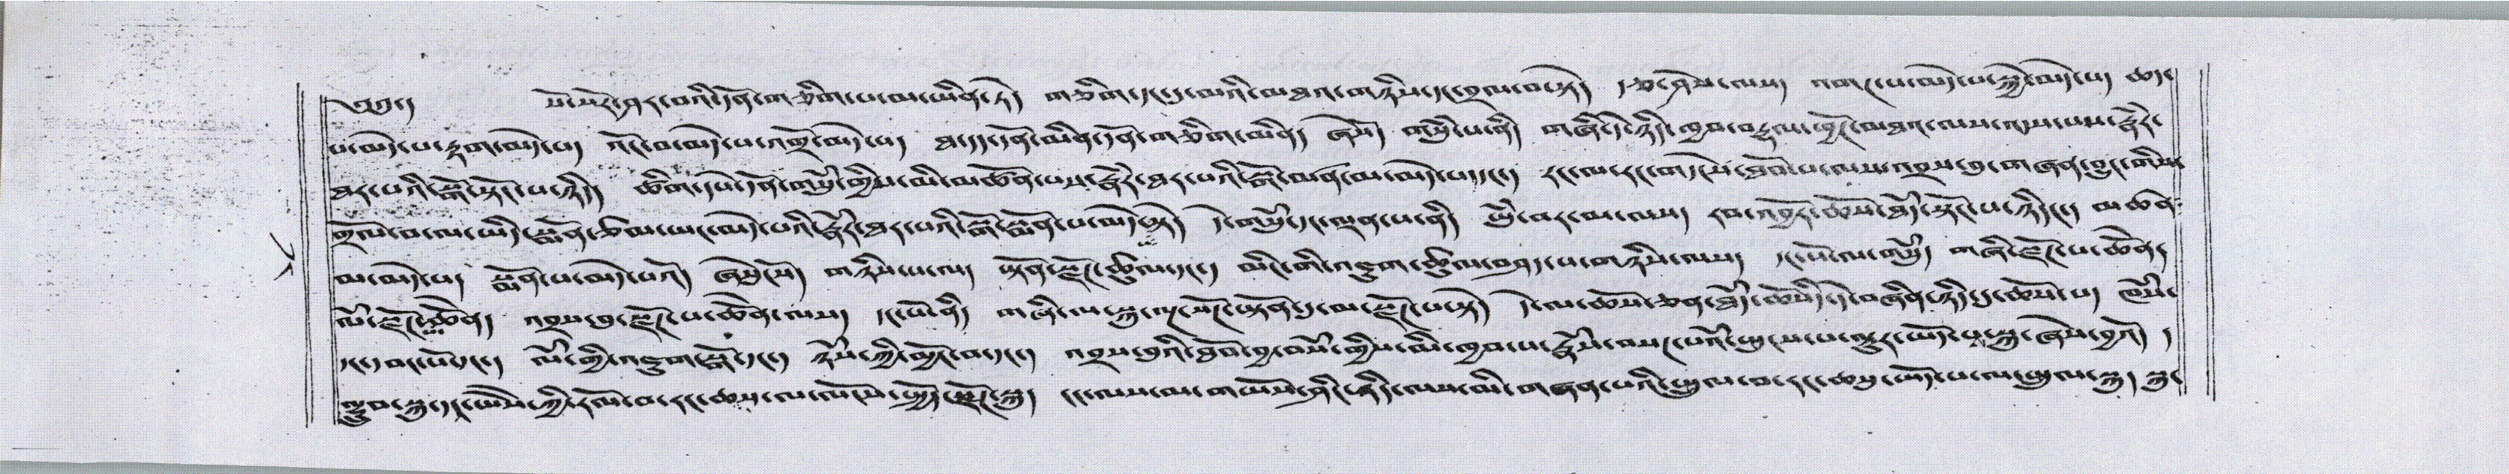སོ་སོར་ཤར་བའི་དོན་གཅིག་པ་མ་ཡིན་ཏེ། གཅིག་དང་དུ་མའི་མཐའ་གཉིས་དང་བྲལ་བ་སྟེ། རྩ་ཤེས་ལས། འགགས་པ་མེད་པ་སྐྱེ་མེད་པ། ཆད་
པ་མེད་པ་རྟག་མེད་པ། འོང་བ་མེད་པ་འགྲོ་མེད་པ། ཐ་དད་དོན་མིན་དོན་གཅིག་མིན། ཞེས་སོ། གསུམ་པ་ནི། གཞི་དེ་ཉིད་ཁྱབ་བརྡལ་ཕྱོགས་མཐའ་ལས་འདས་པས་རྣམ་པར་
ཐར་པའི་སྒོ་སྟོང་པ་ཉིད། ཚིག་དཔེ་དོན་གསུམ་གྱིས་མི་མཚོན་པས་རྣམ་པར་ཐར་པའི་སྒོ་མཚན་མ་མེད་པ་དང། རང་ལ་རང་གདེངས་ཐོབ་པ་ལས་འབྲས་བུ་གཞན་བྱུང་གིས་
གྲོལ་བ་ལ་ཡིད་སྨོན་ཙམ་ཡང་མེད་པའི་རྣམ་པར་ཐར་པའི་སྒོ་སྨོན་པ་མེད་པ་སྟེ། དེ་གསུམ་དང་ལྡན་པ་ནི། ཡུམ་བར་མ་ལས། རབ་འབྱོར་ཆོས་ཐམས་ཅད་སྟོང་པ་ཉིད་དང། མཚན་
མ་མེད་པ། སྨོན་པ་མེད་པའོ། ཞེས་གསུངས་སོ། གཉིས་པ་ལ། ཡོན་ཏན་རྫོགས་ཚུལ་དང། མིང་གི་འཇུག་ཚུལ་བཤད་པ་གཉིས་ལས། དང་པོ་ལ་གསུམ། གཞི་རྫོགས་པ་ཆེན་པོར་
ལམ་རྫོགས་པ་ཆེན་པོ། འབྲས་བུ་རྫོགས་པ་ཆེན་པོ་ལས། དང་པོ་ནི། གཞི་ལ་སྐུ་ལྔ་སོགས་ཡོན་ཏན་དུ་མ་རྫོགས་པ་སྟེ། དེ་ལ་ཆོས་ཅན་ཐམས་ཅད་ཆོས་ཉིད་དེ་བཞིན་ཉིད་དུ་ཆོས་པ། ཁམས་
དང་དབང་པོ་དང། ལམ་གྱི་འཇུག་སྒོ་དང། ཉམས་ཀྱི་མྱོང་བ་དང། འབྲས་བུའི་ཐོབ་བྱ་བསམ་གྱིས་མི་ཁྱབ་པ་རྣམས་བསགས་པའམ་སྤུངས་པ་ལྟ་བུར་ཡོད་པས་སྐུ་ཞེས་བྱའོ། 
ལྷུན་གྲུབ་སྐུ་དང་ཡེ་ཤེས་ཀྱི་རོལ་བ་རང་ཆས་ལ་ལོངས་སྤྱོད་རྫོགས་སྐུ།ངང་ལས་མ་གཡོས་ཤིང་ཉིད་ལས་མི་གཞན་པའི་སྤྲུལ་པ་རང་ཆས་སུ་ཡོད་པ་ལ་སྤྲུལ་སྐུ། སྐུ་